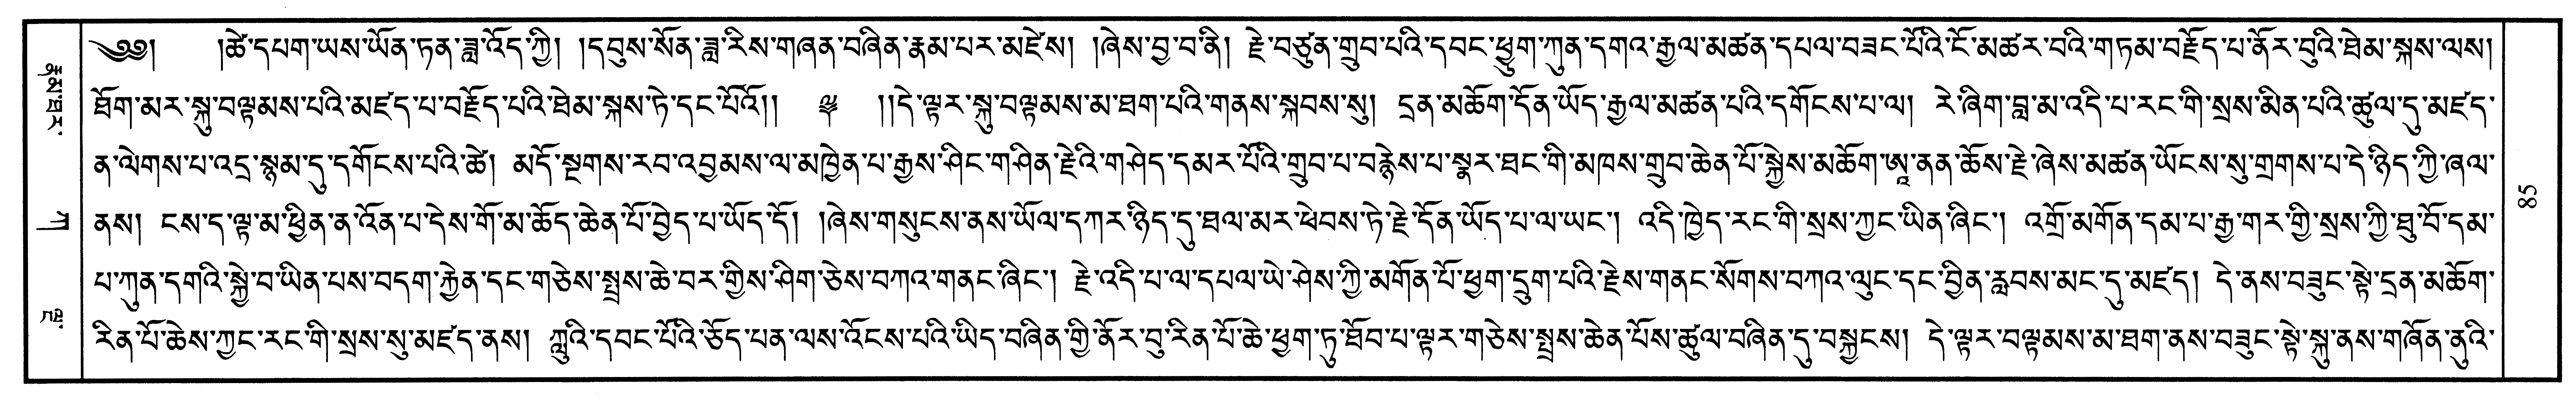༄༅། །ཚེ་དཔག་ཡས་ཡོན་ཏན་ཟླ་འོད་ཀྱི། །དབུས་སོན་ཟླ་རིས་གཞན་བཞིན་རྣམ་པར་མཛེས། །ཞེས་བྱ་བ་ནི། རྗེ་བཙུན་གྲུབ་པའི་དབང་ཕྱུག་ཀུན་དགའ་རྒྱལ་མཚན་དཔལ་བཟང་པོའི་ངོ་མཚར་བའི་གཏམ་བརྗོད་པ་ནོར་བུའི་ཐེམ་སྐས་ལས།
ཐོག་མར་སྐུ་བལྟམས་པའི་མཛད་པ་བརྗོད་པའི་ཐེམ་སྐས་ཏེ་དང་པོའོ།། ༈ །།དེ་ལྟར་སྐུ་བལྟམས་མ་ཐག་པའི་གནས་སྐབས་སུ། དྲན་མཆོག་དོན་ཡོད་རྒྱལ་མཚན་པའི་དགོངས་པ་ལ། རེ་ཞིག་བླ་མ་འདི་པ་རང་གི་སྲས་མིན་པའི་ཚུལ་དུ་མཛད་
ན་ལེགས་པ་འདྲ་སྙམ་དུ་དགོངས་པའི་ཚེ། མདོ་སྔགས་རབ་འབྱམས་ལ་མཁྱེན་པ་རྒྱས་ཤིང་གཤིན་རྗེའི་གཤེད་དམར་པོའི་གྲུབ་པ་བརྙེས་པ་སྣར་ཐང་གི་མཁས་གྲུབ་ཆེན་པོ་སྐྱེས་མཆོག་ཨཱ་ནན་ཆོས་རྗེ་ཞེས་མཚན་ཡོངས་སུ་གྲགས་པ་དེ་ཉིད་ཀྱི་ཞལ་
ནས། ངས་ད་ལྟ་མ་ཕྱིན་ན་འོན་པ་དེས་གོ་མ་ཆོད་ཆེན་པོ་བྱེད་པ་ཡོད་དོ། །ཞེས་གསུངས་ནས་ཡོལ་དཀར་ཉིད་དུ་ཐལ་མར་ཕེབས་ཏེ་རྗེ་དོན་ཡོད་པ་ལ་ཡང་། འདི་ཁྱེད་རང་གི་སྲས་ཀྱང་ཡིན་ཞིང་། འགྲོ་མགོན་དམ་པ་རྒྱ་གར་གྱི་སྲས་ཀྱི་ཐུ་བོ་དམ་
པ་ཀུན་དགའི་སྐྱེ་བ་ཡིན་པས་བདག་རྐྱེན་དང་གཅེས་སྤྲས་ཆེ་བར་གྱིས་ཤིག་ཅེས་བཀའ་གནང་ཞིང་། རྗེ་འདི་པ་ལ་དཔལ་ཡེ་ཤེས་ཀྱི་མགོན་པོ་ཕྱག་དྲུག་པའི་རྗེས་གནང་སོགས་བཀའ་ལུང་དང་བྱིན་རླབས་མང་དུ་མཛད། དེ་ནས་བཟུང་སྟེ་དྲན་མཆོག་
རིན་པོ་ཆེས་ཀྱང་རང་གི་སྲས་སུ་མཛད་ནས། ཀླུའི་དབང་པོའི་ཅོད་པན་ལས་འོངས་པའི་ཡིད་བཞིན་གྱི་ནོར་བུ་རིན་པོ་ཆེ་ཕྱག་ཏུ་ཐོབ་པ་ལྟར་གཅེས་སྤྲས་ཆེན་པོས་ཚུལ་བཞིན་དུ་བསྐྱངས། དེ་ལྟར་བལྟམས་མ་ཐག་ནས་བཟུང་སྟེ་སྐུ་ནས་གཞོན་ནུའི་